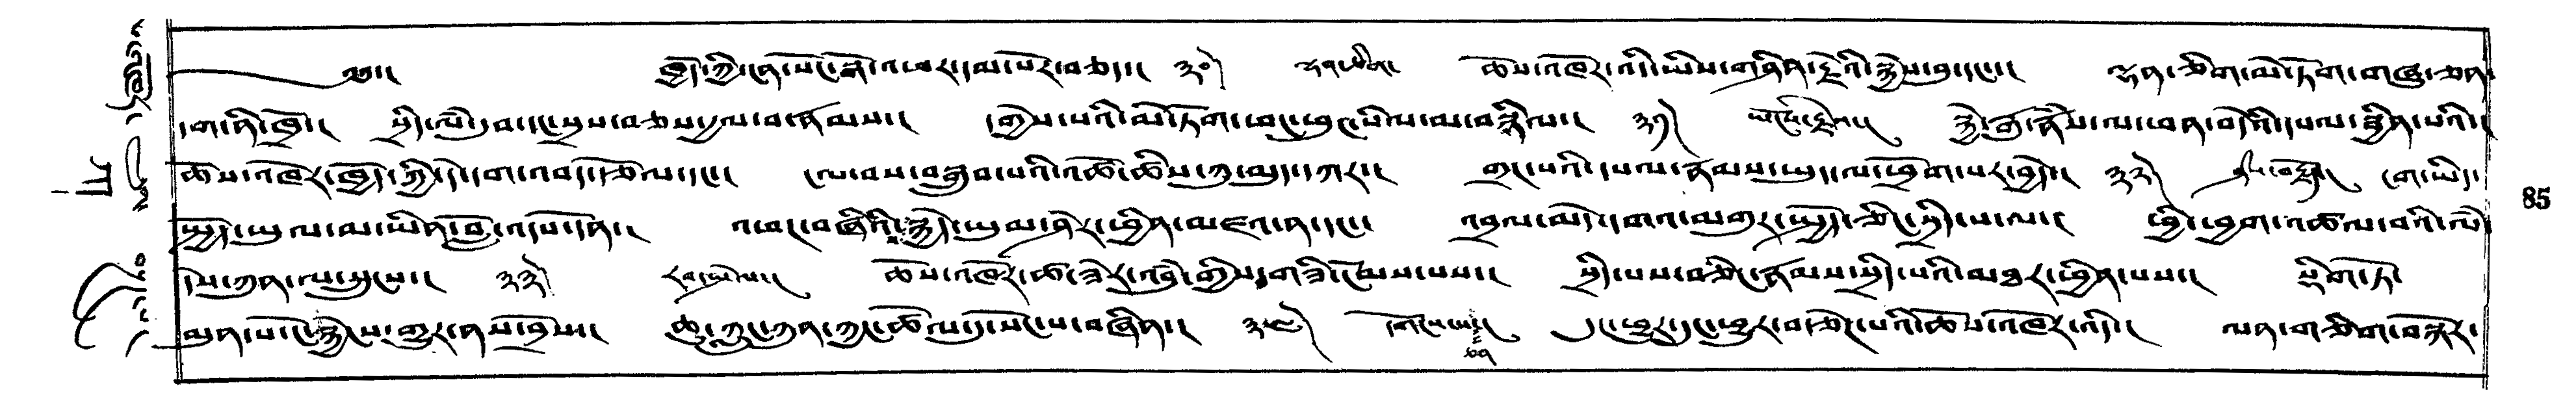ཁྱོད་ཀྱིས་ངན་སོང་སྒོ་འཕར་དམ་པོར་བཅད། ༣༠༽ ། ལྷན་ཅིག ཆོས་འཁོར་འདི་ཡིས་གཤིན་རྗེའི་སྐྱེས་བུ་དང། །ལྷན་ཅིག་མེ་ཏོག་གཞུ་ཅན་
དག་ནི་ཁྲོ། །སྲིད་ལམ་དུབ་དང་སྲས་བཅས་རྒྱལ་བ་རྣམས། །དགྱེས་པའི་མེ་ཏོག་ཕང་ཕུང་སིལ་མ་བསྙིལ། ། ༣༡༽ ཡོངས་རྗེས། སྐྱེ་རྒུ་རྣམས་ལ་ཕན་བདེའི་དཔལ་སྦྱིན་པའི། །
ཆོས་འཁོར་ཁྱོད་ཀྱི་དེ་དག་འབད་རྩོལ་དང་། །ངལ་བས་བསྒྲུབ་པའི་འཚོ་ཚིས་ཀུ་མུད་དཀར། །གྲགས་པའི་དཔལ་རྣམས་ཡུད་ལ་འཕྲོག་པར་བྱེད། ༣༢༽ ཤིས་བརྗོད། ངག་ཡིད་
སྤྱོད་ཡུལ་མ་ཡིན་བློ་འདས་དོན། །འཕགས་བཞིའི་བསྐྱེད་ཡུམ་ཤེར་ཕྱིན་མཛའ་ན་དང་། །འབྲལ་མེད་དགའ་མགུར་སྤྱོད་ཅིང་སྲིད་པ་ལ། །ཕྱི་ཕྱག་འཚལ་བའི་ལམ་
དེས་ཀུན་ལ་སྲུངས། ། ༣༣༽ རབ་སྤེལ། ཆོས་འཁོར་ཚ་ཟེར་འབུམ་གྱིས་གཟི་ངོམས་པས། །སྲིད་པས་བཅིངས་རྣམས་སྲིད་པའི་མཐར་ཕྱིན་པས། །སྡིག་ཏོ་
མུན་པ་ངོ་སྐྱེངས་གྱུར་ནས་བྲོས། །ཆུ་ཀླུང་ཀུན་ཀྱང་ཚོལ་དུ་སོང་པ་བཞིན། ། ༣༤༽ དགོངས་པ་ཅན། དུང་ཕྱུར་དུང་ཕྱུར་བརྩེགས་པའི་ཆོས་འཁོར་འདི། །ལན་གཅིག་བསྐོར་